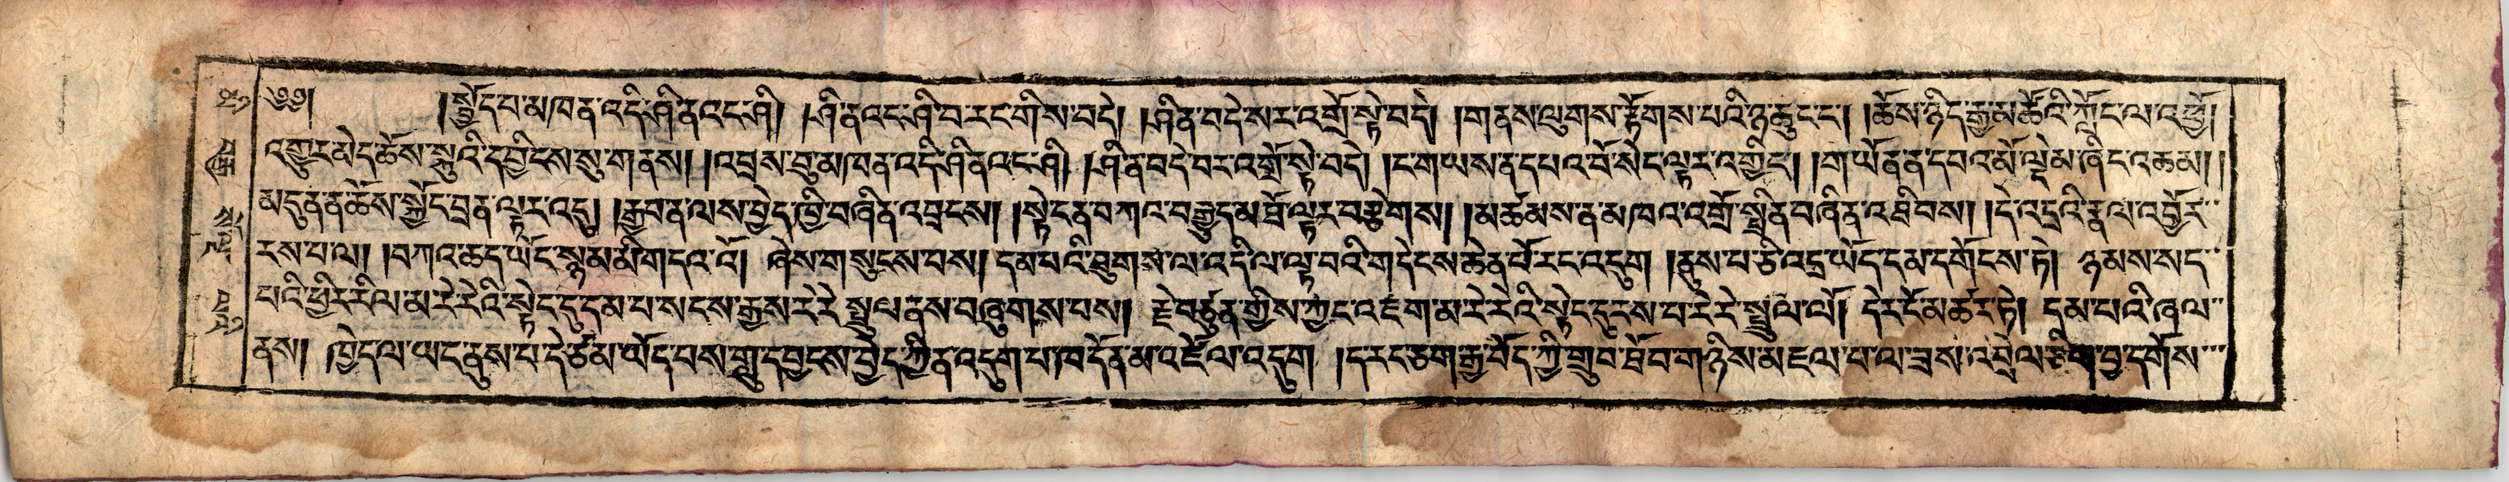སྤྱོད་པ་མཁན་འདི་ཤི་ནའང་ཤི། །ཤི་ནའང་ཤི་བ་རང་གིས་བདེ། །ཤི་ན་བདེ་སར་འགྲོ་སྟེ་བདེ། །གནས་ལུགས་རྟོགས་པའི་ཉ་ཆུང་ང་། །ཆོས་ཉིད་རྒྱ་མཚོའི་ཀློང་ལ་འཕྱོ། །
འགྱུར་མེད་ཆོས་སྐུའི་དབྱིངས་སུ་གནས། །འབྲས་བུ་མཁན་འདི་ཤི་ནའང་ཤི། །ཤི་ན་བདེ་བར་འགྲོ་སྟེ་བདེ། །ང་གཡས་ན་དཔའ་བོ་སེང་ལྟར་འགྱིང་། །ག་ཡོན་ན་དབའ་མོ་ལྡེམ་ཞིང་འཆམ། །
མདུན་ན་ཆོས་སྐྱོང་བྲན་ལྟར་འདུ། །རྒྱབ་ན་ལས་བྱེད་ཁྱི་བཞིན་འབྲངས། །སྟེང་ན་བཀའ་བརྒྱུད་མཐོ་ལྟར་བརྩེགས། །མཚམས་ན་མཁའ་འགྲོ་སྤྲིན་བཞིན་འཐིབས། །དེ་འདྲའི་རྣལ་འབྱོར་
རས་པ་ལ། །བཀའ་ཆད་ཡོང་སྙམ་མི་གདའ་འོ། །ཞེས་གསུངས་པས། དམ་པའི་ཐུགས་ལ་འདི་ལ་ལྟ་བའི་གདེངས་ཆེན་པོ་རང་འདུག །ནུས་པ་ཅི་འདྲ་ཡོད་དམ་དགོངས་ཏེ། ཉམས་སད་
པའི་ཕྱིར་རིལ་མ་རེ་རེའི་སྟེང་དུ་དམ་པ་སངས་རྒྱས་རེརེ་སྤྲུལ་ནས་བཞུགས་པས། རྗེ་བཙུན་གྱིས་ཀྱང་འཇག་མ་རེ་རེའི་སྟེང་དུ་རས་པ་རེ་རེ་སྤྲུལ་ལོ། དེར་ངོ་མཚར་ཏེ། དམ་པའི་ཞལ་
ནས། ཁྱེད་ལ་ཡང་ནུས་པ་དེ་ཙམ་ཡོད་པས་གླུ་དབྱངས་བྱེད་ཀྱིན་འདུག་པ་ཁ་དོན་མ་འཛོལ་འདུག །ད་རང་ཅག་རྒྱ་བོད་ཀྱི་གྲུབ་ཐོབ་གཉིས་མཇལ་བ་ལ་ཟས་འབྲེལ་ཅིག་བྱ་དགོས་